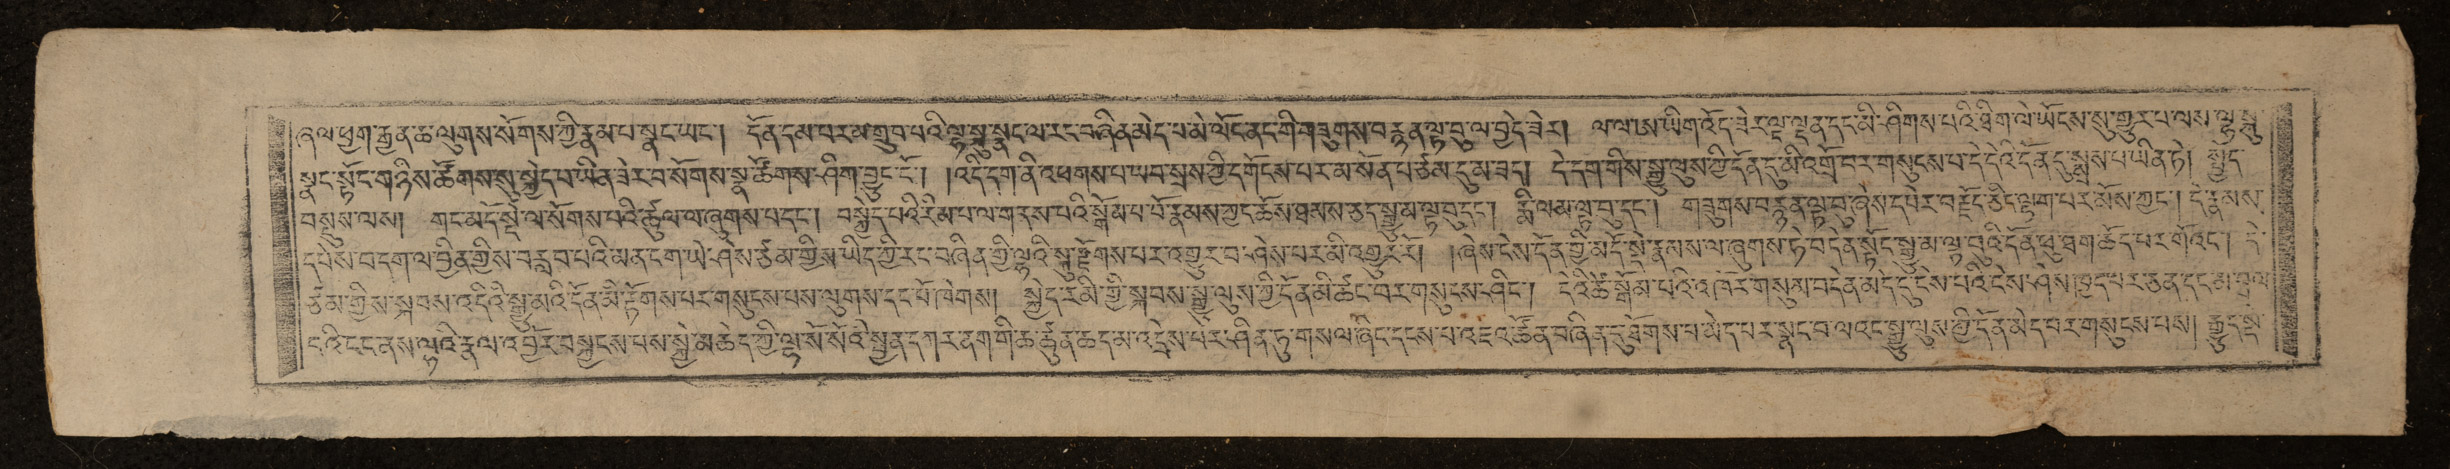ཞལ་ཕྱག་རྒྱན་ཆ་ལུགས་སོགས་ཀྱི་རྣམ་པ་སྣང་ཡང་། དོན་དམ་པར་མ་གྲུབ་པའི་ལྷ་སྐུ་སྣང་ལ་རང་བཞིན་མེད་པ་མེ་ལོང་ནང་གི་གཟུགས་བརྙན་ལྟ་བུ་ལ་བྱེད་ཟེར། ལ་ལ་ཨ་ཡིག་འོད་ཟེར་ལྔ་ལྡན་དང་མི་ཤིགས་པའི་ཐིག་ལེ་ཡོངས་སུ་གྱུར་བ་ལས་ལྷ་སྐུ་
སྣང་སྟོང་གཉིས་ཚོགས་སུ་སྐྱེད་པ་ཡིན་ཟེར་བ་སོགས་སྣ་ཚོགས་ཤིག་བྱུང་ངོ། །འདི་དག་ནི་འཕགས་པ་ཡབ་སྲས་ཀྱི་དགོངས་པར་མ་སོན་པ་ཙམ་དུ་མ་ཟད། དེ་དག་གིས་སྒྱུ་ལུས་ཀྱི་དོན་དུ་མི་འགྲོ་བར་གསུངས་པ་དེ་དེའི་དོན་དུ་སྨྲས་པ་ཡིན་ཏེ། སྤྱོད་
བསྡུས་ལས། གང་མདོ་སྡེ་ལ་སོགས་པའི་ཚུལ་ལ་ཞུགས་པ་དང་། བསྐྱེད་པའི་རིམ་པ་ལ་གནས་པའི་སྒོམ་པ་པོ་རྣམས་ཀྱང་ཆོས་ཐམས་ཅད་སྒྱུ་མ་ལྟ་བུ་དང་། རྨི་ལམ་ལྟ་བུ་དང་། གཟུགས་བརྙན་ལྟ་བུ་ཞེས་དཔེར་བརྗོད་ཅིང་ལྷག་པར་མོས་ཀྱང་། དེ་རྣམས་
དཔེས་བདག་ལ་བྱིན་གྱིས་བརླབ་པའི་མན་ངག་ཡེ་ཤེས་ཙམ་གྱིས་ཡིད་ཀྱི་རང་བཞིན་གྱི་ལྷའི་སྐུ་རྫོགས་པར་འགྱུར་བ་ཤེས་པར་མི་འགྱུར་རོ། །ཞེས་ངེས་དོན་གྱི་མདོ་སྡེ་རྣམས་ལ་ཞུགས་ཏེ་བདེན་སྟོང་སྒྱུ་མ་ལྟ་བུའི་དོན་ཕུ་ཐག་ཆོད་པར་གོའང་། དེ་
ཙམ་གྱིས་སྐབས་འདིའི་སྒྱུ་མའི་དོན་མི་རྟོགས་པར་གསུངས་པས་ལུགས་དང་པོ་ཁེགས། བསྐྱེད་རིམ་གྱི་སྐབས་སྒྱུ་ལུས་ཀྱི་དོན་མི་ཚང་བར་གསུངས་ཤིང་། དེའི་ཚེ་སྒོམ་པའི་འཁོར་གསུམ་བདེན་མེད་དུ་ངེས་པའི་ངེས་ཤེས་ཁྱད་པར་ཅན་དང་མ་བྲལ་
བའི་ངང་ནས་ལྷའི་རྣལ་འབྱོར་བསྐྱངས་པས་སྐྱེ་མཆེད་ཀྱི་ལྷ་སོ་སོའི་སྤྱན་དཀར་ནག་གི་ཆ་ཚུན་ཆད་མ་འདྲེས་པར་ཤིན་ཏུ་གསལ་ཞིང་དྭངས་པ་འཇའ་ཚོན་བཞིན་དུ་ཐོགས་པ་མེད་པར་སྣང་བ་ལའང་སྒྱུ་ལུས་ཀྱི་དོན་མེད་པར་གསུངས་བས། རྒྱུད་སྡེ་